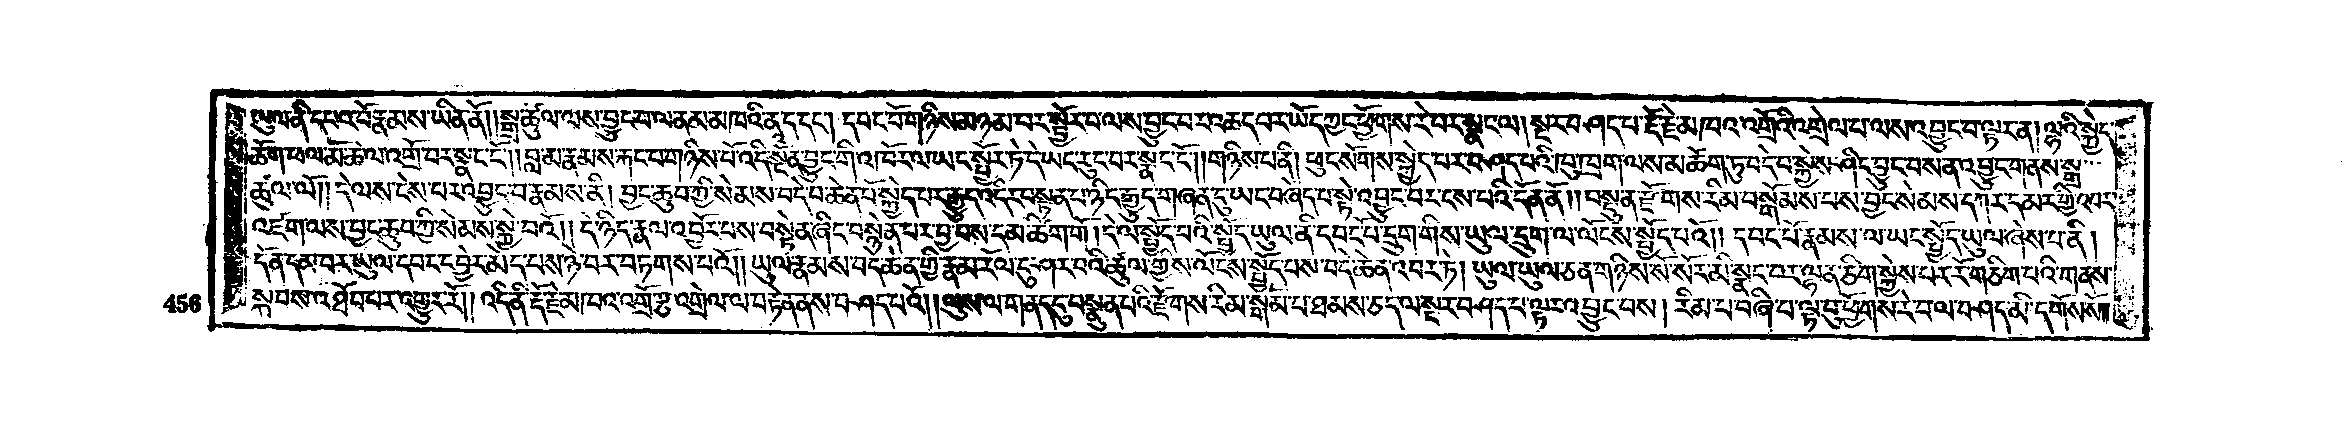ཡུལ་ནི་དཔའ་བོ་རྣམས་ཡིན་ནོ། །སྒྲ་ཚུལ་ལས་བྱུང་བ་ལ་ནམ་མཁའི་ནཱ་ད་དང་། དབང་པོ་གཉིས་མཉམ་པར་སྦྱོར་བ་ལས་བྱུང་བར་འཆད་པར་ཡོད་ཀྱང་ཕྱོགས་རེ་བར་སྣང་ལ། སྔར་བཤད་པ་རྡོ་རྗེ་མཁའ་འགྲོའི་འགྲེལ་པ་ལས་འབྱུང་བ་ལྟར་ན། ལྷའི་སྐྱེད་
ཆོག་ཕལ་མོ་ཆེ་ལ་འགྲོ་བར་སྣང་ངོ། །བླ་མ་རྣམས་རྐང་པ་གཉིས་པོ་འདི་སྔོན་བྱུང་གི་འཁོར་ལ་ཡང་སྦྱོར་ཏེ་དེ་ཡང་རུང་བར་སྣང་ངོ། །གཉིས་པ་ནི། ཕུང་སོགས་སྐྱེད་པར་བཤད་པའི་ཁུ་ཁྲག་ལས་མཆོག་ཏུ་བདེ་བ་སྐྱེས་ཤིང་བྱུང་བས་ན་འབྱུང་གནས་སྒྲ་
ཚུལ་ལོ། །དེ་ལས་ངེས་པར་འབྱུང་བ་རྣམས་ནི། བྱང་ཆུབ་ཀྱི་སེམས་བདེ་བ་ཆེན་པོ་སྐྱེད་པར་རྒྱུད་འདིར་བསྟན་པ་ཉིད་རྒྱུད་གཞན་དུ་ཡང་བཞེད་པ་སྟེ་འབྱུང་བར་ངེས་པའི་དོན་ནོ། །བསྡུ་ན་རྫོགས་རིམ་བསྒོམས་པས་བྱང་སེམས་དཀར་དམར་གྱི་འབར་
འཛག་ལས་བྱང་ཆུབ་ཀྱི་སེམས་སྐྱེ་བའོ། །དེ་ཉིད་རྣལ་འབྱོར་པས་བསྟེན་ཞིང་བསྙེན་པར་བྱ་བས་དམ་ཚིག་གོ །དེ་ལ་སྤྱོད་པའི་སྤྱོད་ཡུལ་ནི་དབང་པོ་དྲུག་གིས་ཡུལ་དྲུག་ལ་ལོངས་སྤྱོད་པའོ། །དབང་པོ་རྣམས་ལ་ཡང་སྤྱོད་ཡུལ་ཞེས་པ་ནི།
དོན་དམ་པར་ཡུལ་དབང་དབྱེར་མེད་པས་ཉེ་བར་བཏགས་པའོ། །ཡུལ་རྣམས་བདེ་ཆེན་གྱི་རྣམ་རོལ་དུ་ཤར་བའི་ཚུལ་གྱིས་ལོངས་སྤྱོད་པས་བདེ་ཆེན་འབར་ཏེ། ཡུལ་ཡུལ་ཅན་གཉིས་སོ་སོར་མི་སྣང་བར་ལྷན་ཅིག་སྐྱེས་པར་རོ་གཅིག་པའི་གནས་
སྐབས་འཐོབ་པར་འགྱུར་རོ། །འདི་ནི་རྡོ་རྗེ་མཁའ་འགྲོ་རྩ་འགྲེལ་ལ་བརྟེན་ནས་བཤད་པའོ། །ལུས་ལ་གནད་དུ་བསྣུན་པའི་རྫོགས་རིམ་སྒོམ་པ་ཐམས་ཅད་ལ་སྔར་བཤད་པ་ལྟར་འབྱུང་བས། རིམ་པ་བཞི་པ་ལྟ་བུ་ཕྱོགས་རེ་བ་ལ་བཤད་མི་དགོས་སོ། །